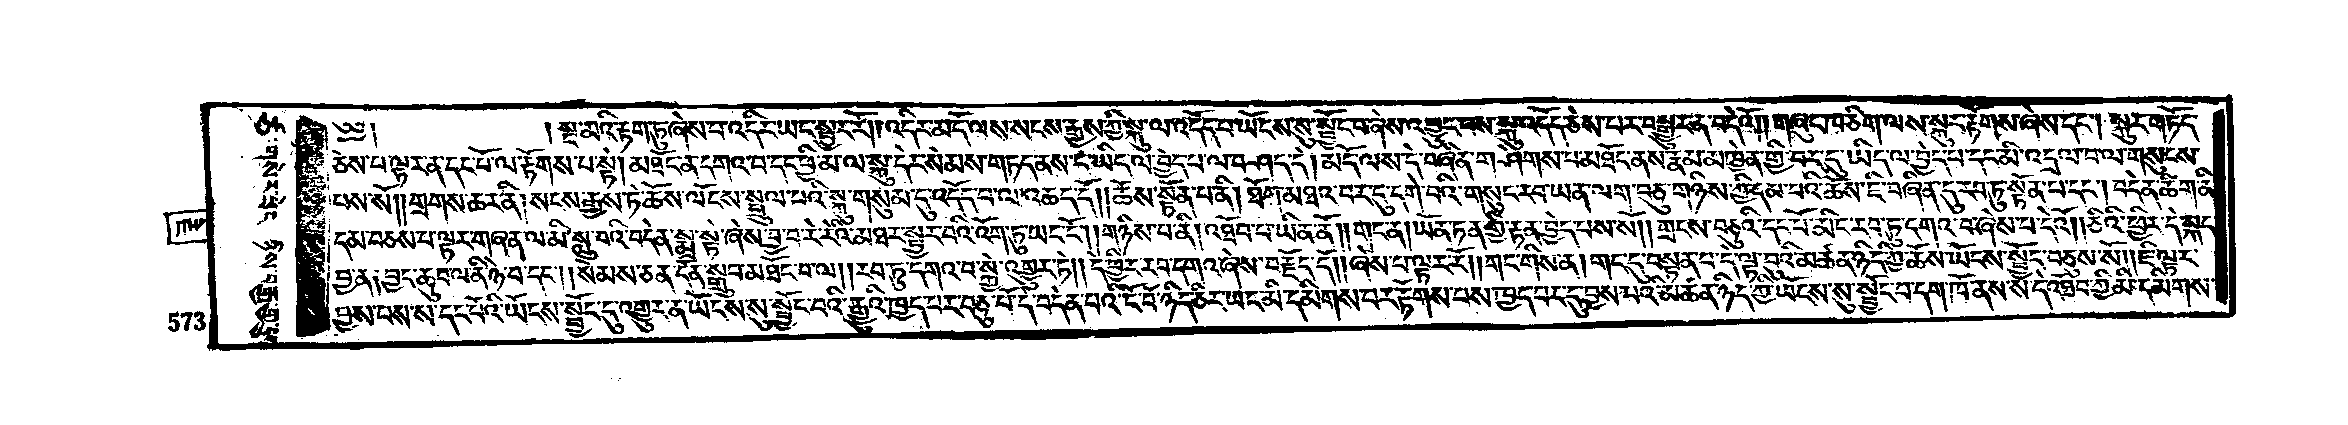༄༅། །སྔ་མའི་རྟག་ཏུ་ཞེས་པ་འདིར་ཡང་སྦྱར་རོ། །འདིར་མདོ་ལས་སངས་རྒྱས་ཀྱི་སྐུ་ལ་འདོད་པ་ཡོངས་སུ་སྦྱོང་བ་ཞེས་འབྱུང་བས་སྐུ་འདོད་ཅེས་པར་བསྒྱུར་ན་བདེའོ། །གཞུང་ཁ་ཅིག་ལས་སྐུར་རྟོགས་ཞེས་དང་། སྐུར་གཏོད་
ཅེས་པ་ལྟར་ན་དང་པོ་ལ་རྟོགས་པ་སྟེ། མཐོང་ན་དགའ་བ་དང་ཕྱི་མ་ལ་སྐུ་དེར་སེམས་གཏད་ནས་དེ་ཡིད་ལ་བྱེད་པ་ལ་བཤད་དོ། མདོ་ལས་དེ་བཞིན་གཤེགས་པ་མཐོང་ནས་རྣམ་མཁྱེན་གྱི་བར་དུ་ཡིད་ལ་བྱེད་པ་དང་མི་འདྲལ་བ་ལ་གསུངས་
པས་སོ། །གྲགས་ཆར་ནི། སངས་རྒྱས་ཏེ་ཆོས་ལོངས་སྤྲུལ་པའི་སྐུ་གསུམ་དུ་འདོད་པ་ལ་འཆད་དོ། །ཆོས་སྟོན་པ་ནི། ཐོག་མཐའ་བར་དུ་དགེ་བའི་གསུང་རབ་ཡན་ལག་བཅུ་གཉིས་ཀྱི་དམ་པའི་ཆོས་ཇི་བཞིན་དུ་རབ་ཏུ་སྟོན་པ་དང་། བདེན་ཚིག་ནི།
དམ་བཅས་པ་ལྟར་གཞན་ལ་མི་སླུ་བའི་བདེན་སྨྲ་སྟེ་ཞེས་བྱ་བ་རེ་རེའི་མཐར་སྦྱར་བའི་འོག་ཏུ་ཡང་ངོ། །གཉིས་པ་ནི། འཐོབ་པ་ཡིན་ནོ། །གང་ན། ཡོན་ཏན་གྱི་རྟེན་བྱེད་པས་སོ། །གྲངས་བཅུའི་དང་པོ་མིང་རབ་ཏུ་དགའ་བ་ཞེས་པ་དེའོ། །ཅིའི་ཕྱིར་དེ་སྐད་
བྱ་ན། བྱང་ཆུབ་ལ་ནི་ཉེ་བ་དང་། །སེམས་ཅན་དོན་སྒྲུབ་མཐོང་བ་ལ། །རབ་ཏུ་དགའ་བ་སྐྱེ་འགྱུར་ཏེ། །དེ་ཕྱིར་རབ་དགའ་ཞེས་བརྗོད་དོ། །ཞེས་པ་ལྟར་རོ། །གང་གིས་ན། གང་དུ་བསྟན་པ་དེ་ལྟ་བུའི་མཚན་ཉིད་ཀྱི་ཆོས་ཡོངས་སྦྱོང་བཅུས་སོ། །ཇི་ལྟར་
བྱས་པས་ས་དང་པོའི་ཡོངས་སྦྱོང་དུ་འགྱུར་ན་ཡོངས་སུ་སྦྱོང་བའི་རྒྱུའི་ཁྱད་པར་བཅུ་པོ་དེ་བདེན་པའི་ངོ་བོ་ཉིད་ཅིར་ཡང་མི་དམིགས་པར་རྟོགས་པས་ཁྱད་པར་དུ་བྱས་པའི་མཚན་ཉིད་ཀྱི་ཡོངས་སུ་སྦྱོང་བ་དག་ཁོ་ནས་ས་དེ་འཐོབ་ཀྱི་མི་དམིགས་